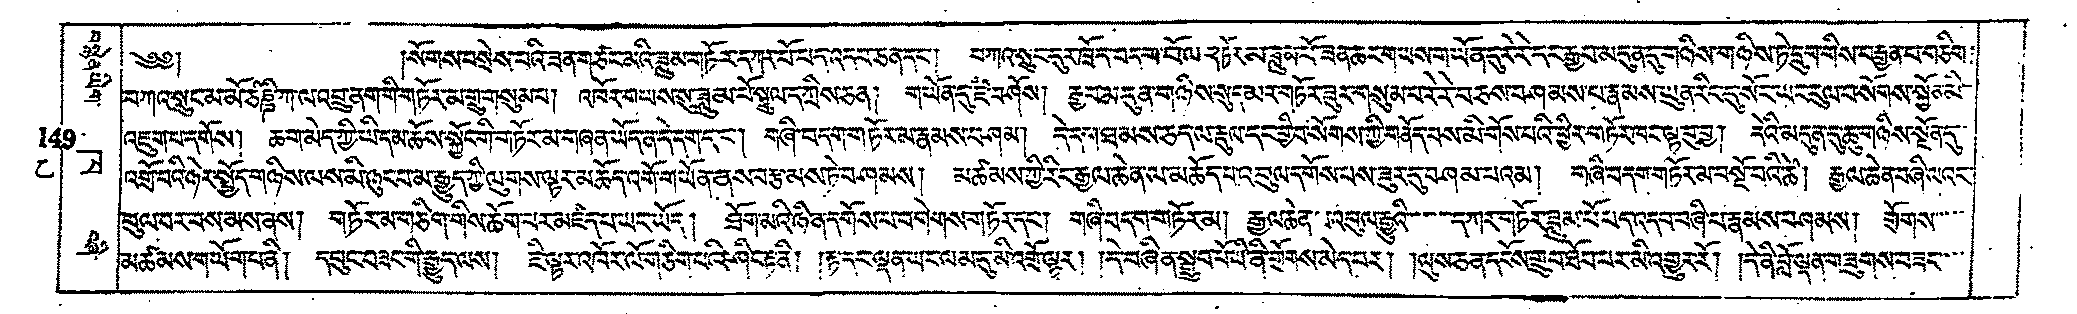༄༅། །སོགས་བསྲེས་པའི་ཟན་གཙང་མའི་ཟླུམ་གཏོར་དཀར་པོ་པད་འདབ་ཅན་དང་། བཀའ་སྲུང་དུར་ཁྲོད་བདག་བོ་ལ་གཏོར་མ་ཟླུམ་པོ་ཟན་ཆང་གཡས་གཡོན་དུ་རེ་རེ་དང་རྒྱབ་མདུན་དུ་གཉིས་གཉིས་ཏེ་དྲུག་གིས་བརྒྱན་པ་གཅིག།
བཀའ་སྲུང་མ་མོ་ཙཎྚི་ཀ་ལ་འབྲུ་ནག་གི་གཏོར་མ་གྲུ་གསུམ་པ། འཁོར་གཡས་སུ་ཟླུམ་པོ་སྦྲུལ་དཀྲིས་ཅན། གཡོན་དུ་ཛཾ་བཤོས། རྒྱབ་མདུན་གཉིས་སུ་དམར་གཏོར་ཟུར་གསུམ་པ་རེ་རེ་བཅས་བཤམས་པ་རྣམས་ཡུན་རིང་དུ་སོང་ཡང་རུལ་བ་སོགས་སྐྱོན་མི་
འཇུག་པ་དགོས། ཆག་མེད་ཀྱི་ཡི་དམ་ཆོས་སྐྱོང་གི་གཏོར་མ་གཞན་ཡོད་ན་དེ་དག་དང་། གཞི་བདག་གཏོར་མ་རྣམས་བཤམ། དེ་དག་ཐམས་ཅད་ལ་རྡུལ་དང་བྱི་བ་སོགས་ཀྱི་གནོད་པས་མི་གོས་པའི་ཕྱིར་གཏོར་ཁང་ལྟ་བུ་བྱ། དེའི་མདུན་དུ་ཆུ་གཉིས་སྔོན་དུ་་་
འགྲོ་བའི་ཉེར་སྤྱོད་གཉིས་ལས་མི་ཉུང་བ་མ་རྒྱུད་ཀྱི་ལུགས་ལྟར་མཆོད་འགོ་གཡོན་ནས་བརྩམས་ཏེ་བཤམས། མཚམས་ཀྱི་རིང་རྒྱལ་ཆེན་ལ་མཆོད་པ་འབུལ་དགོས་པས་ཟུར་དུ་བཤམ་པའམ། གཞི་བདག་གཏོར་མ་བསྔོ་བའི་ཚེ། རྒྱལ་ཆེན་བཞི་ལའང་
ཕུལ་བར་བསམས་ནས། གཏོར་མ་གཅིག་གིས་ཆོག་པར་མཛད་པ་ཡང་ཡོད། ཐོག་མའི་ཉིན་དགོས་པ་བགེགས་གཏོར་དང་། གཞི་བདག་གཏོར་མ། རྒྱལ་ཆེན་པ་འབུལ་རྒྱུའི་་་དཀར་གཏོར་ཟླུམ་པོ་པད་འདབ་བཞི་པ་རྣམས་བཤམས། གྲོགས་་་
མཚམས་གཡོག་པ་ནི། དཔུང་བཟང་གི་རྒྱུད་ལས། ཇི་ལྟར་འཁོར་ལོ་གཅིག་པའི་ཤིང་རྟ་ནི། །རྟ་དང་ལྡན་ཡང་ལམ་དུ་མི་འགྲོ་ལྟར། །དེ་བཞིན་སྒྲུབ་པོ་ཡི་ནི་གྲོགས་མེད་པར། །ལུས་ཅན་དངོས་གྲུབ་ཐོབ་པར་མི་འགྱུར་རོ། །དེ་ནི་བློ་ལྡན་གཟུགས་བཟང་་་